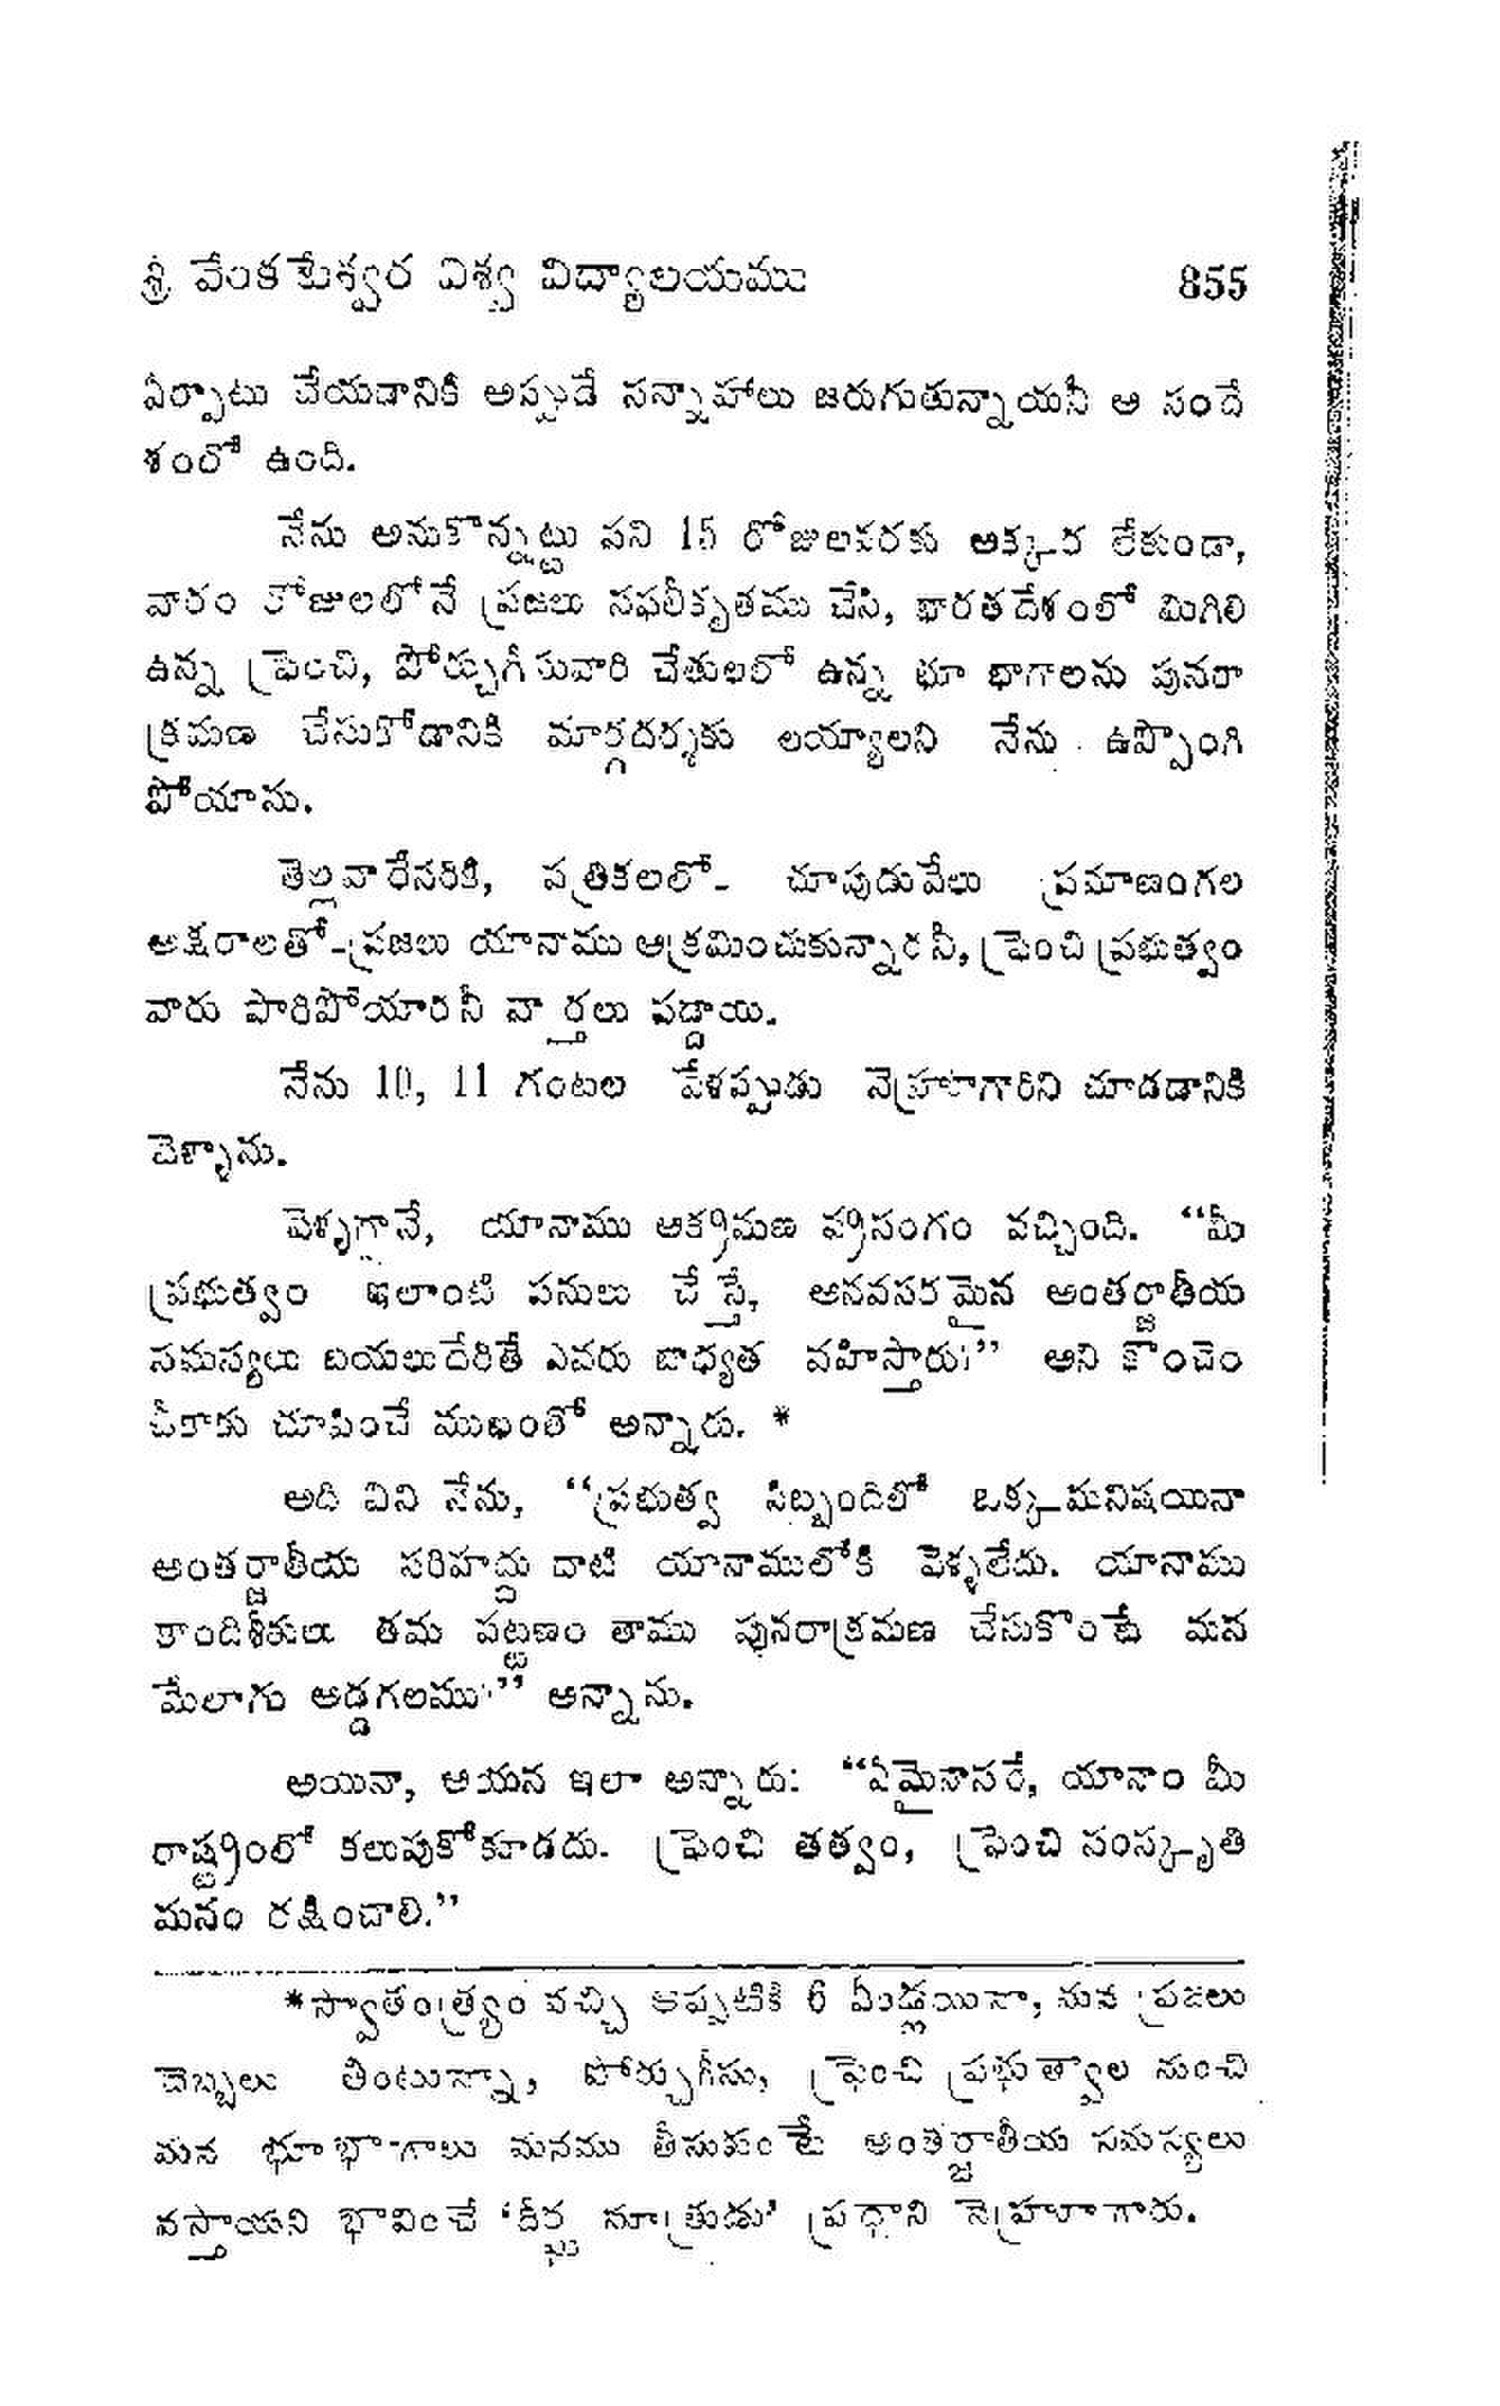ఏర్పాటు చేయడానికి అప్పుడే సన్నాహాలు జరుగుతున్నాయనీ ఆ సందేశంలో ఉంది.

నేను అనుకొన్నట్టు పని 15 రోజులవరకు అక్కర లేకుండా, వారం రోజులలోనే ప్రజలు సఫలీకృతము చేసి, భారతదేశంలో మిగిలి ఉన్న ప్రెంచి, పోర్చుగీసువారి చేతులలో ఉన్న భూ భాగాలను పునరాక్రమణ చేసుకోడానికి మార్గదర్శకు లయ్యామని నేను ఉప్పొంగిపోయాను.

తెల్లవారేసరికి, పత్రికలలో - చూపుడువేలు ప్రమాణంగల అక్షరాలతో - ప్రజలు యానాము ఆక్రమించుకున్నారనీ, ఫ్రెంచి ప్రభుత్వంవారు పారిపోయారనీ వార్తలు పడ్డాయి.

నేను 10, 11 గంటల వేళప్పుడు నెహ్రూగారిని చూడడానికి వెళ్ళాను.

వెళ్ళగానే, యానాము ఆక్రమణ ప్రసంగం వచ్చింది. "మీ ప్రభుత్వం ఇలాంటి పనులు చేస్తే, అనవసరమైన అంతర్జాతీయ సమస్యలు బయలుదేరితే ఎవరు బాధ్యత వహిస్తారు?" అని కొంచెం చీకాకు చూపించే ముఖంతో అన్నారు. 

అది విని నేను, "ప్రభుత్వ సిబ్బందిలో ఒక్కమనిషయినా అంతర్జాతీయ సరిహద్దు దాటి యానాములోకి వెళ్ళలేదు. యానాము కాందిశీకులు తమ పట్టణం తాము పునరాక్రమణ చేసుకొంటే మన మేలాగు అడ్డగలము" అన్నాను.

అయినా, ఆయన ఇలా అన్నారు: "ఏమైనాసరే, యానాం మీ రాష్ట్రంలో కలుపుకోకూడదు. ఫ్రెంచి తత్వం, ఫ్రెంచి సంస్కృతి మనం రక్షించాలి."